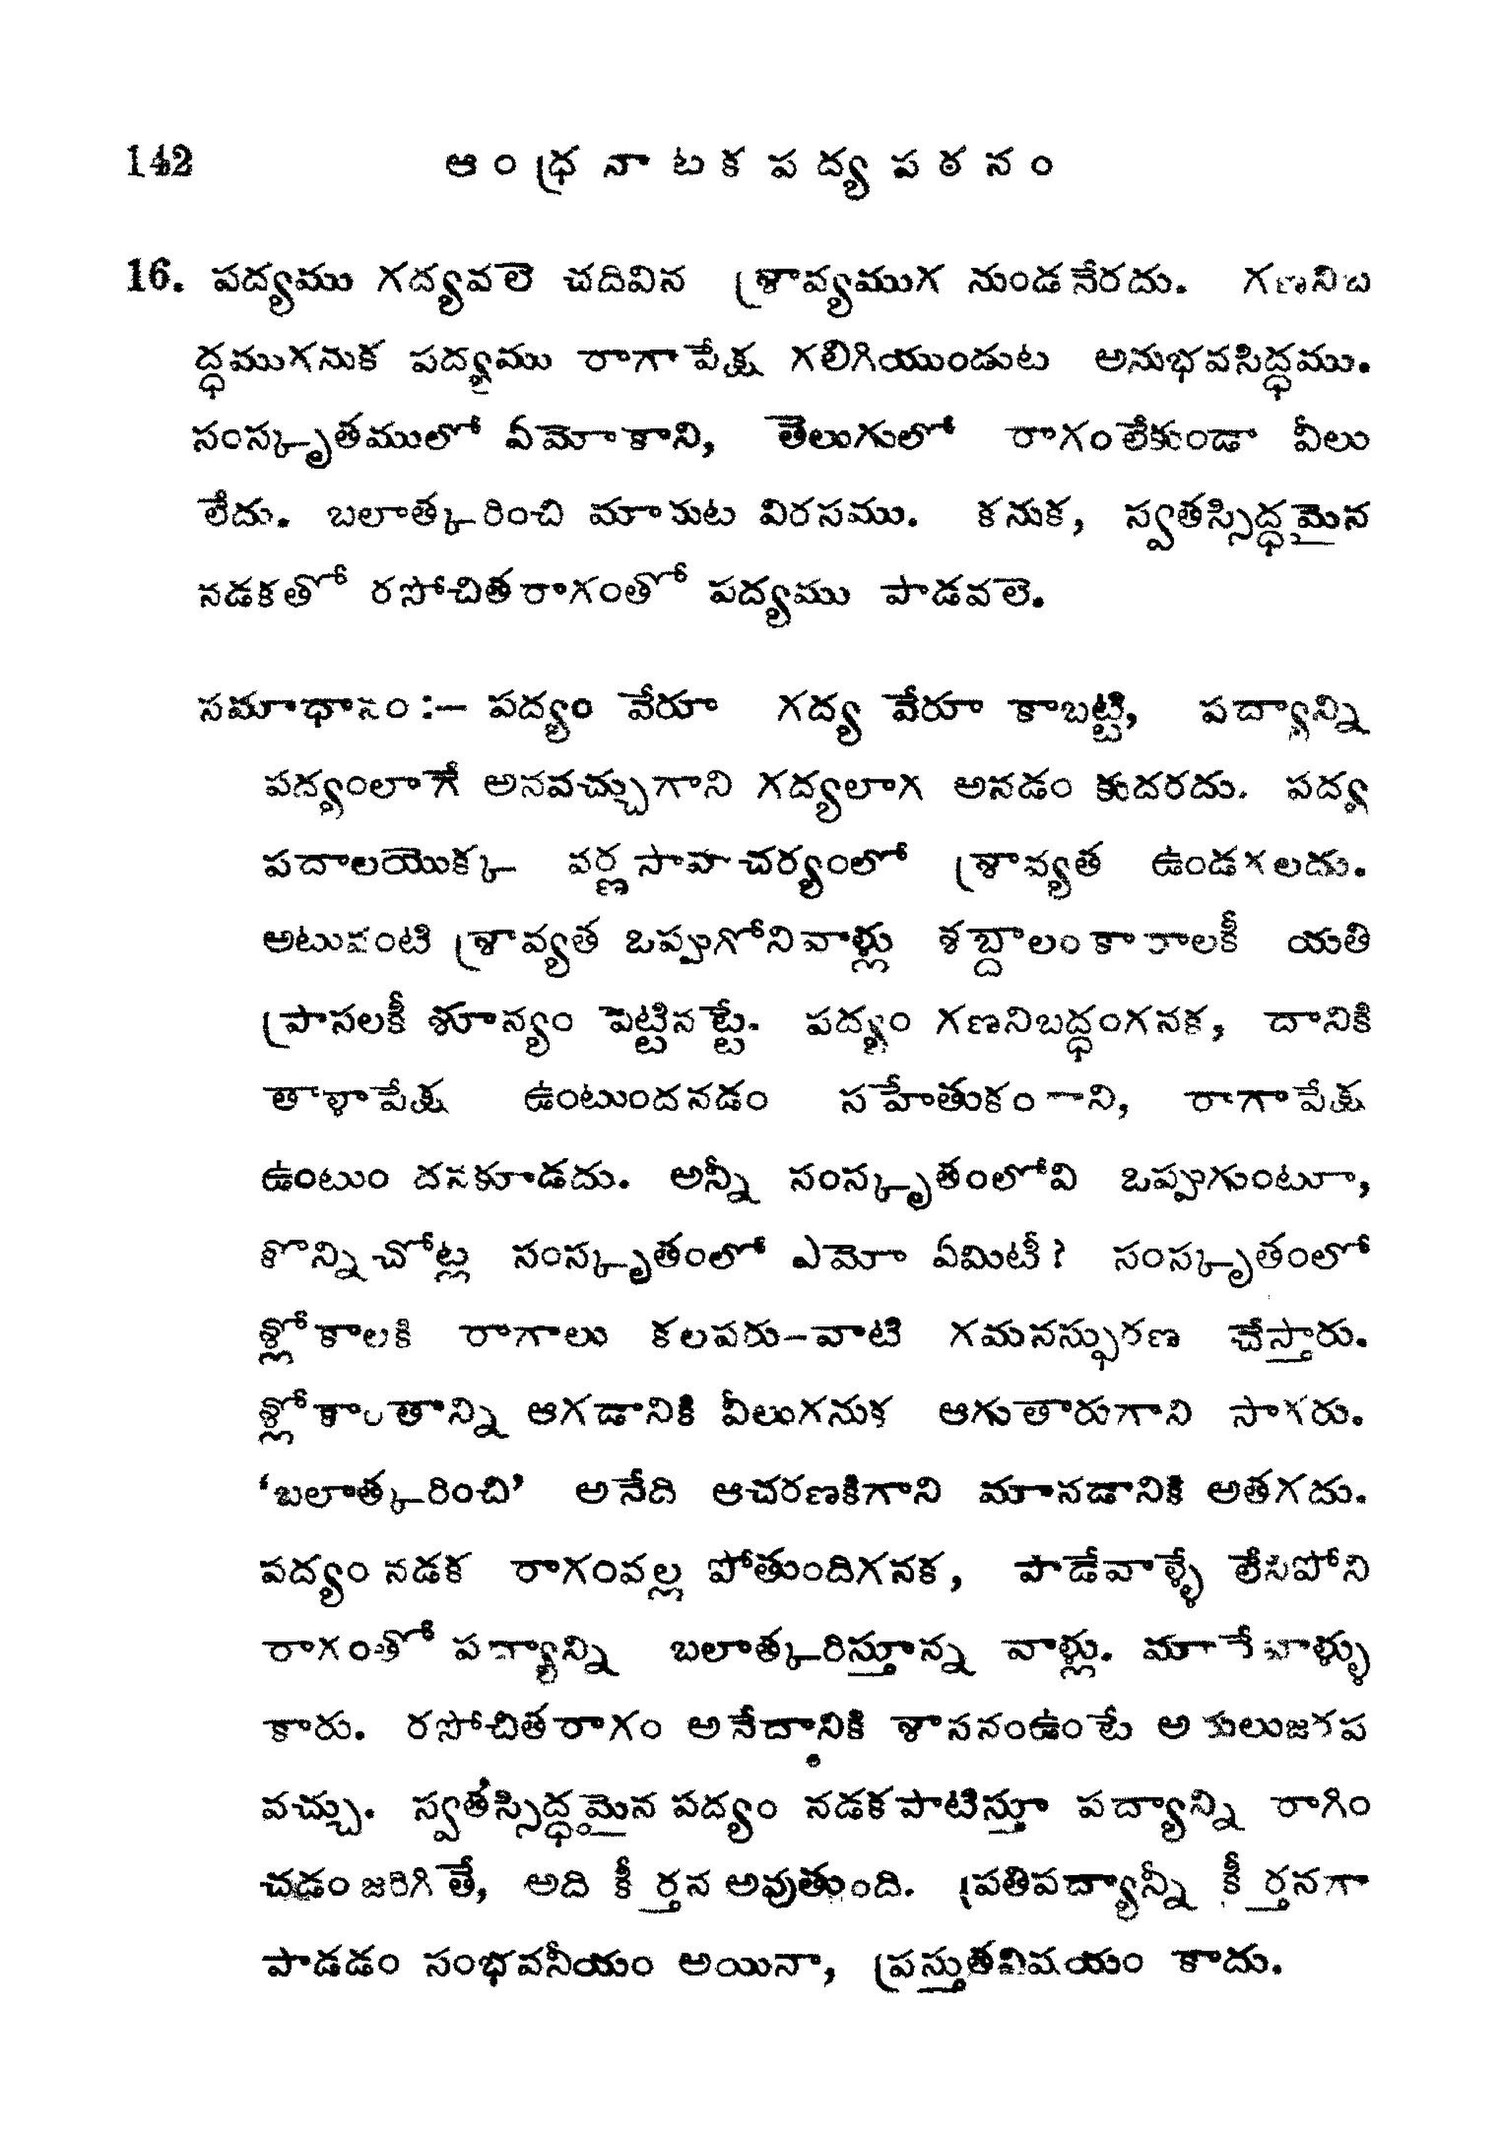16. పద్యము గద్యవలె చదివిన శ్రావ్యముగ నుండనేరదు. గణనిబ
ద్ధముగనుక పద్యము రాగాపేక్ష గలిగియుండుట అనుభవసిద్ధము.
సంస్కృతములో ఏమోకాని, తెలుగులో రాగంలేకుండా వీలు
లేదు. బలాత్కరించి మానుట విరసము. కనుక, స్వతస్సిద్ధమైన
నడకతో రసోచితరాగంతో పద్యము పాడవలె.

సమాధానం :- పద్యం వేరూ గద్య వేరూ కాబట్టి, పద్యాన్ని
పద్యంలాగే అనవచ్చుగాని గద్యలాగ అనడం కుదరదు. పద్య
పదాలయొక్క వర్ణసాహచర్యంలో శ్రావ్యత ఉండగలదు. 
అటువంటి శ్రావ్యత ఒప్పుగోనివాళ్లు శబ్దాలంకారాలకీ యతి
ప్రాసలకీ శూన్యం పెట్టినట్టే. పద్యం గణనిబద్ధంగనక, దానికి
తాళాపేక్ష ఉంటుందనడం సహేతుకంగాని, రాగాపేక్ష
ఉంటుం దనకూడదు. అన్నీ సంస్కృతంలోవి ఒప్పుగుంటూ,
కొన్ని చోట్ల సంస్కృతంలో ఎమో ఏమిటీ? సంస్కృతంలో
శ్లోకాలకి రాగాలు కలపరు-వాటి గమనస్ఫురణ చేస్తారు.
శ్లోకాంతాన్ని ఆగడానికి వీలుగనుక ఆగుతారుగాని సాగరు.
'బలాత్కరించి' అనేది ఆచరణకిగాని మానడానికి అతగదు.
పద్యం నడక రాగంవల్ల పోతుందిగనక, పాడేవాళ్ళే లేనిపోని
రాగంతో పద్యాన్ని బలాత్కరిస్తూన్న వాళ్లు. మారేవాళ్ళు
కారు. రసోచితరాగం అనేదానికి శాసనంఉంటే అమలుజరప
వచ్చు. స్వతస్సిద్ధమైన పద్యం నడకపాటిస్తూ పద్యాన్ని రాగిం
చడం జరిగితే, అది కీర్తన అవుతుంది. ప్రతిపద్యాన్నీ కీర్తనగా
పాడడం సంభవనీయం అయినా, ప్రస్తుతవిషయం కాదు.